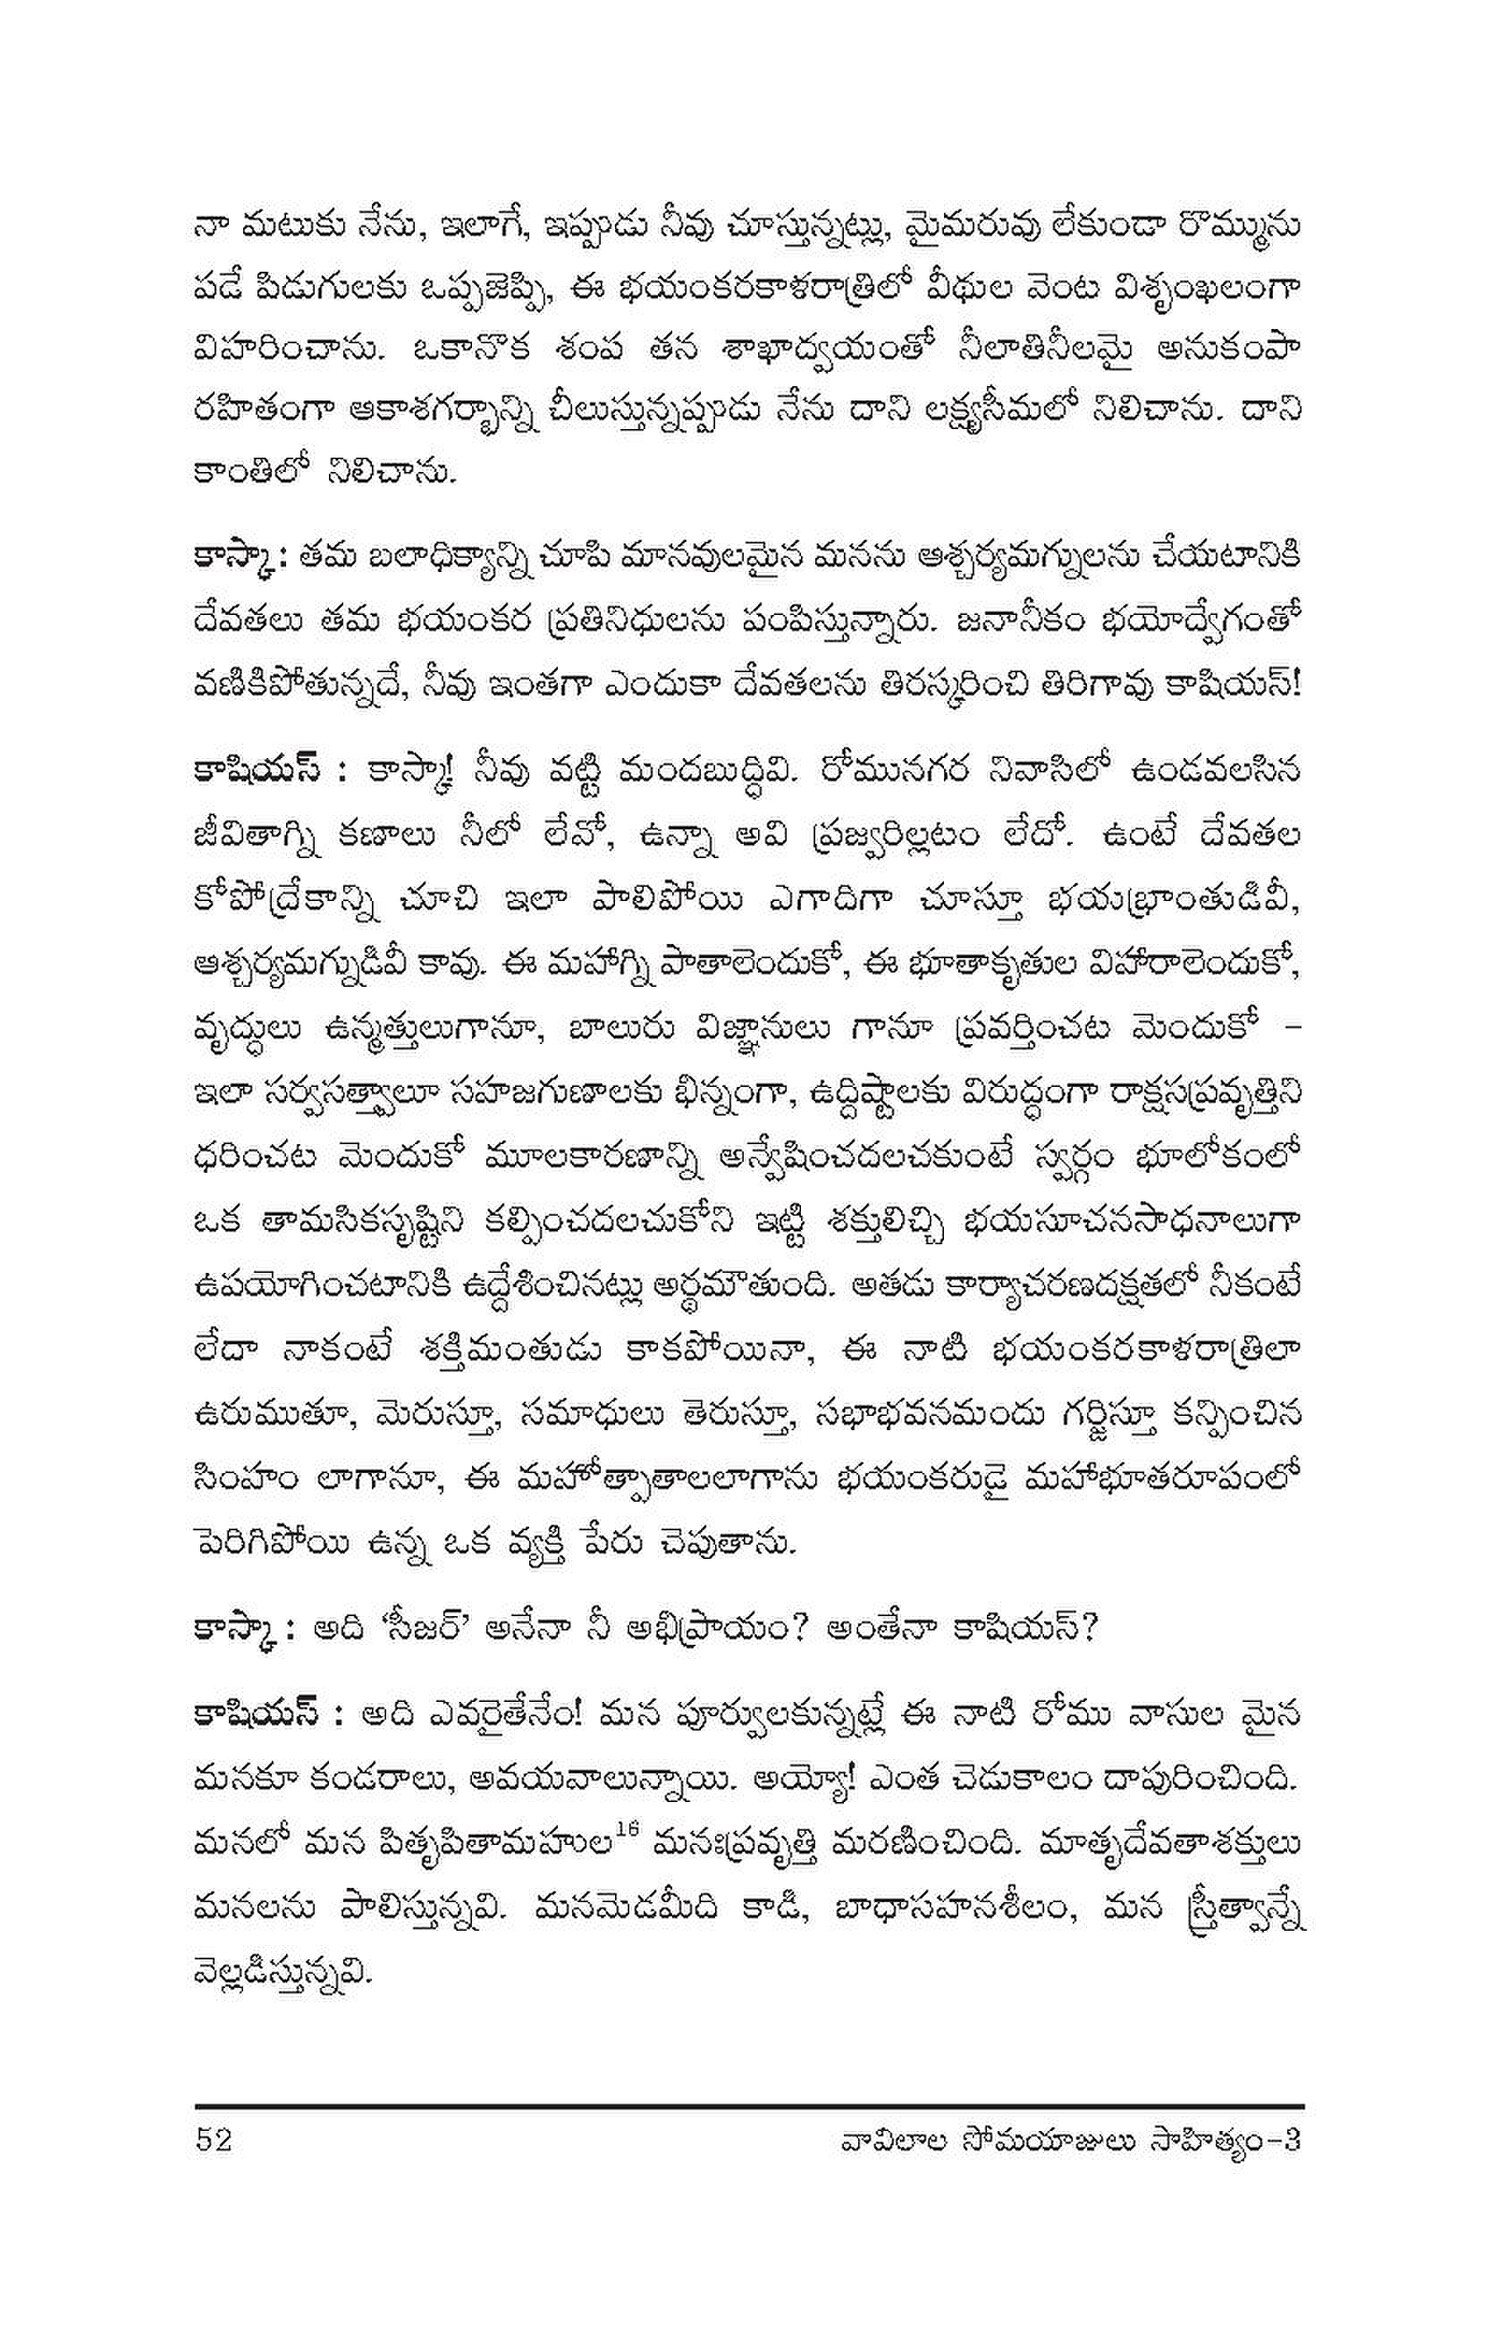నా మటుకు నేను, ఇలాగే, ఇప్పుడు నీవు చూస్తున్నట్లు, మైమరువు లేకుండా రొమ్మును పడే పిడుగులకు ఒప్పజెప్పి, ఈ భయంకరకాళరాత్రిలో వీధుల వెంట విశృంఖలంగా విహరించాను. ఒకానొక శంప తన శాఖాధ్వయంతో నీలాతినీలమై అనుకంపారహితంగా ఆకాశగర్భాన్ని చీలుస్తున్నప్పుడు నేను దాని లక్ష్యసీమలో నిలిచాను. దాని కాంతిలో నిలిచాను.

కాస్కా: తమ బలాధిక్యాన్ని చూపి మానవులమైన మనను ఆశ్చర్యమగ్నులను చేయటానికి దేవతలు తమ భయంకర ప్రతినిధులను పంపిస్తున్నారు. జనానీకం భయోద్వేగంతో వణికిపోతున్నదే, నీవు ఇంతగా ఎందుకా దేవతలను తిరస్కరించి తిరిగావు కాషియస్!

కాషియస్ : కాస్కా! నీవు వట్టి మందబుద్ధివి. రోమునగర నివాసిలో ఉండవలసిన జీవితాగ్ని కణాలు నీలో లేవో, ఉన్నా అవి ప్రజ్వరిల్లటం లేదో. ఉంటే దేవతల కోపోద్రేకాన్ని చూచి ఇలా పాలిపోయి ఎగాదిగా చూస్తూ భయభ్రాంతుడివీ,
ఆశ్చర్యమగ్నుడివీ కావు. ఈ మహాగ్ని పాతాలెందుకో, ఈ భూతాకృతుల విహారాలెందుకో, వృద్ధులు ఉన్మత్తులుగానూ, బాలురు విజ్ఞానులు గానూ ప్రవర్తించట మెందుకో ఇలా సర్వసత్వాలూ సహజగుణాలకు భిన్నంగా, ఉద్దిష్టాలకు విరుద్ధంగా రాక్షసప్రవృత్తిని ధరించట మెందుకో మూలకారణాన్ని అన్వేషించదలచకుంటే స్వర్గం భూలోకంలో ఒక తామసికసృష్టిని కల్పించదలచుకోని ఇట్టి శక్తులిచ్చి భయసూచనసాధనాలుగా ఉపయోగించటానికి ఉద్దేశించినట్లు అర్థమౌతుంది. అతడు కార్యాచరణదక్షతలో నీకంటే లేదా నాకంటే శక్తిమంతుడు కాకపోయినా, ఈ నాటి భయంకరకాళరాత్రిలా ఉరుముతూ, మెరుస్తూ, సమాధులు తెరుస్తూ, సభాభవనమందు గర్జిస్తూ కన్పించిన సింహం లాగానూ, ఈ మహోత్పాతాలలాగాను భయంకరుడై మహాభూతరూపంలో పెరిగిపోయి ఉన్న ఒక వ్యక్తి పేరు చెపుతాను.

కాస్కా : అది 'సీజర్' అనేనా నీ అభిప్రాయం? అంతేనా కాషియస్?

కాషియస్ : అది ఎవరైతేనేం! మన పూర్వులకున్నట్లే ఈ నాటి రోము వాసుల మైన మనకూ కండరాలు, అవయవాలున్నాయి. అయ్యో! ఎంత చెడుకాలం దాపురించింది. మనలో మన పితృపితామహుల" మనఃప్రవృత్తి మరణించింది. మాతృదేవతాశక్తులు మనలను పాలిస్తున్నవి. మనమెడమీది కాడి, బాధాసహనశీలం, మన స్త్రీత్వాన్నే
వెల్లడిస్తున్నవి.